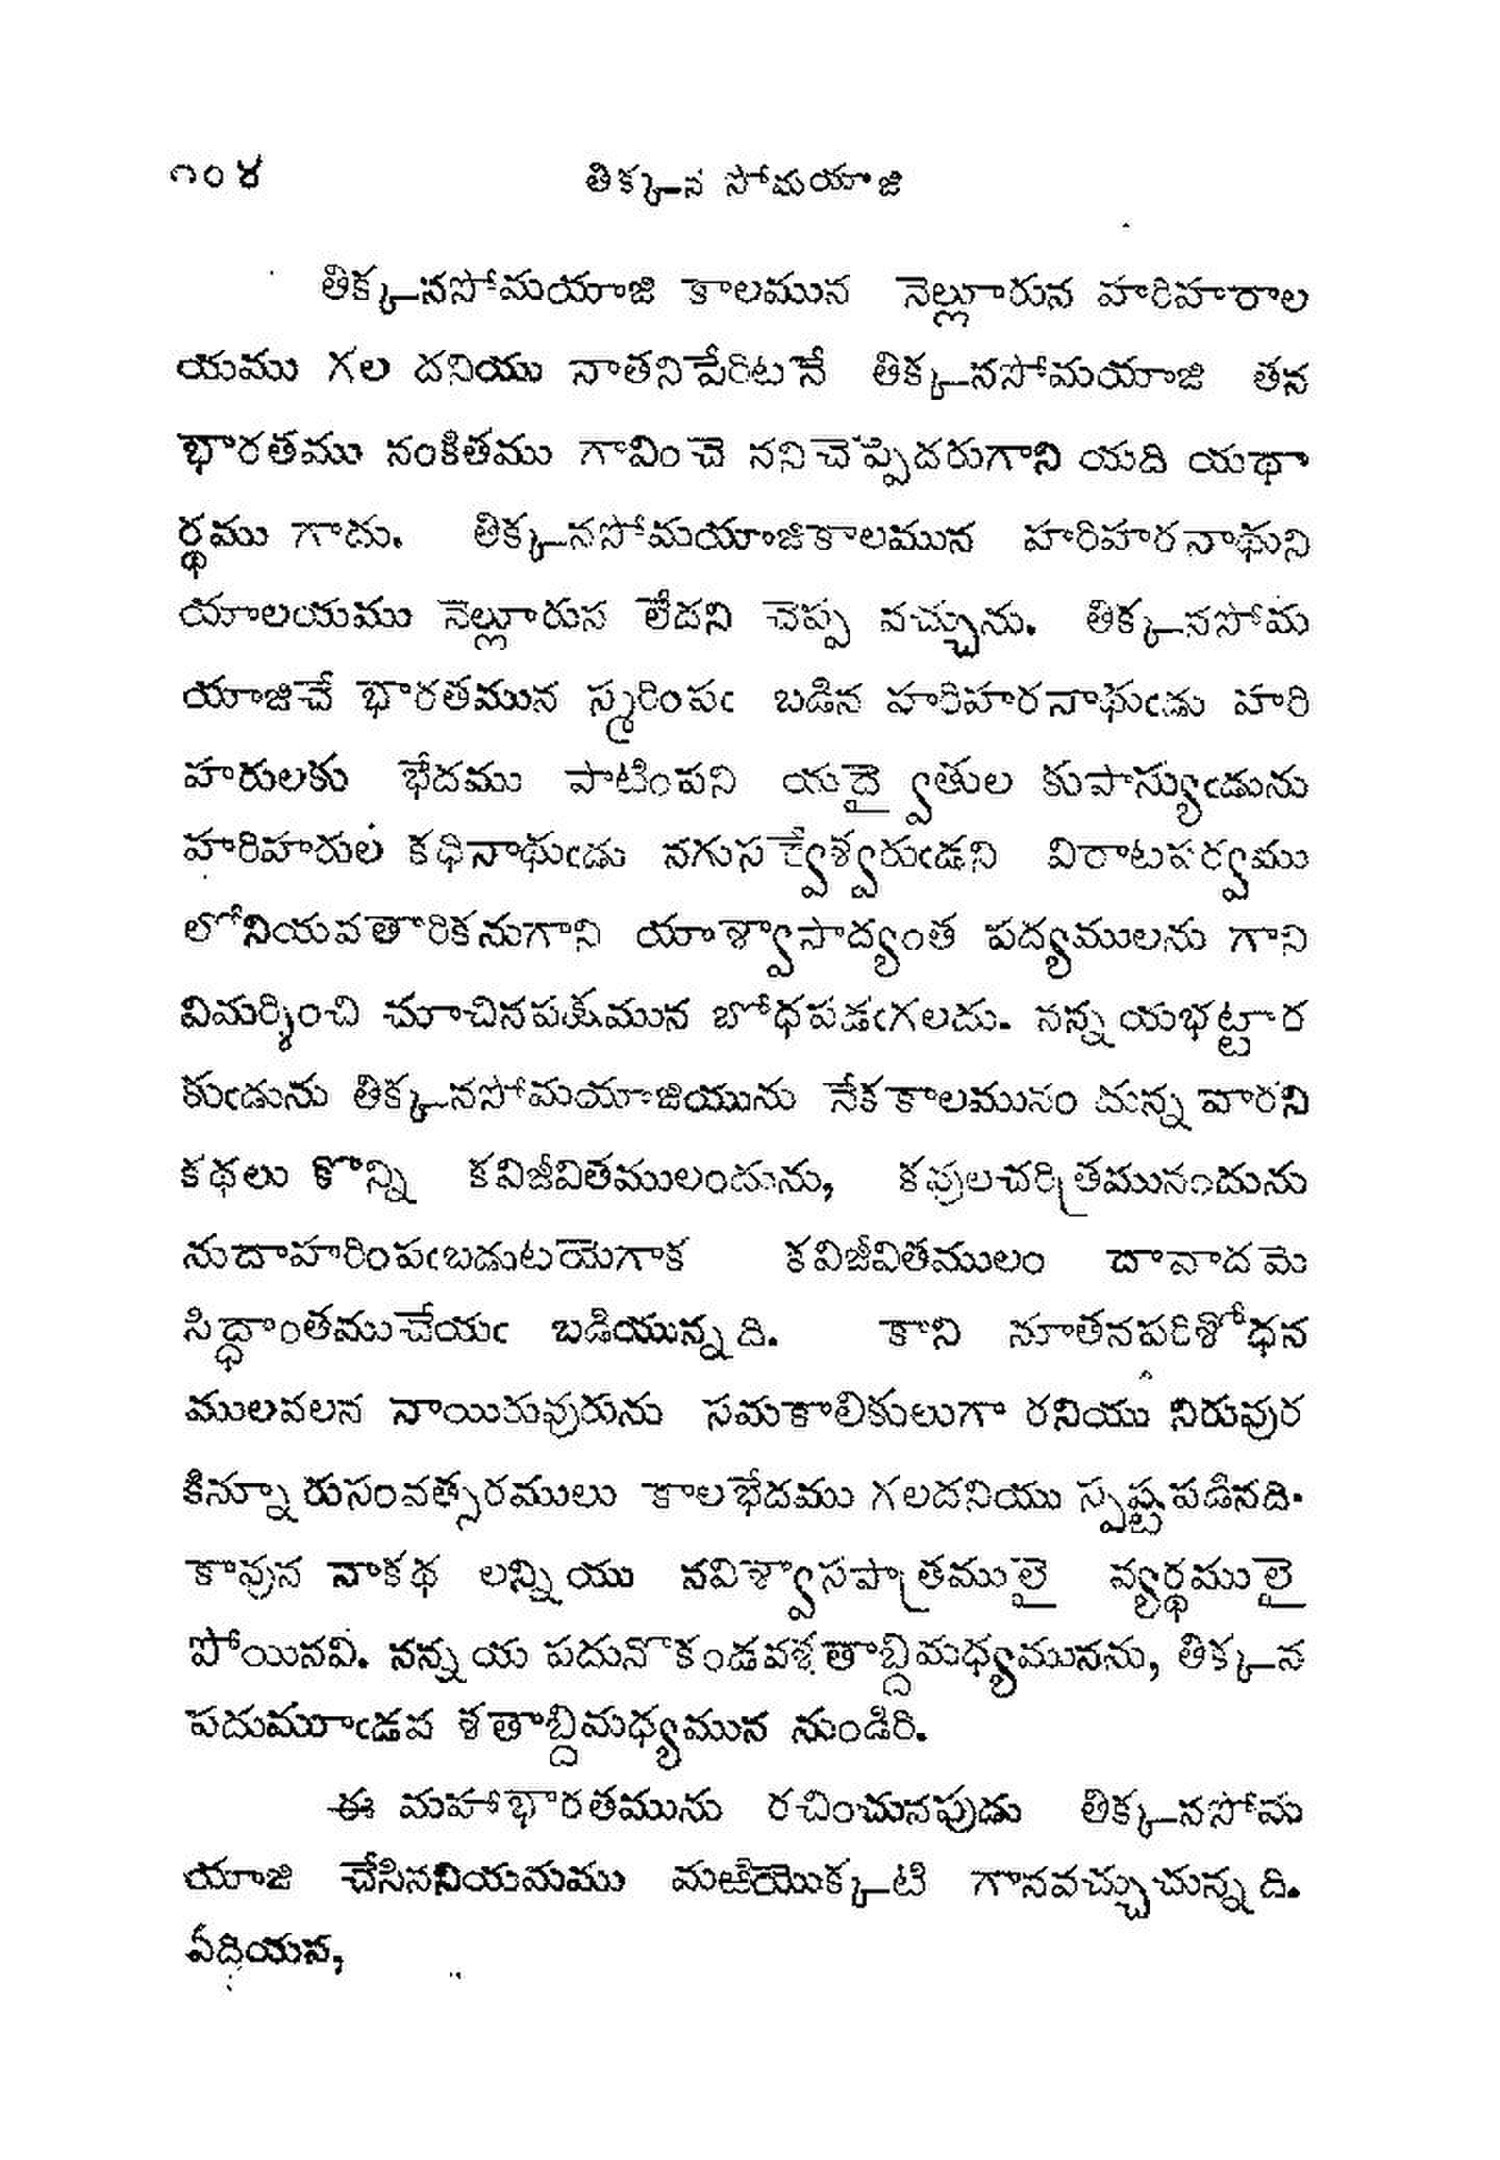తిక్కనసోమయాజి కాలమున నెల్లూరున హరిహరాలయము గల దనియు నాతనిపేరిటనే తిక్కనసోమయాజి తనభారతము నంకితము గావించె నని చెప్పెదరుగాని యది యథార్థము గాదు. తిక్కనసోమయాజికాలమున హరిహరనాథుని యాలయము నెల్లూరున లేదని చెప్ప వచ్చును. తిక్కనసోమయాజిచే భారతమున స్మరింపఁ బడిన హరిహరనాథుఁడు హరి హరులకు భేదము పాటింపని యద్వైతుల కుపాస్యుఁడును హరిహరుల కధినాథుఁడు నగుసర్వేశ్వరుఁడని విరాటపర్వము లోనియవతారికనుగాని యాశ్వాసాద్యంత పద్యములను గాని విమర్శించి చూచినపక్షమున బోధపడఁగలదు. నన్నయభట్టారకుఁడును తిక్కనసోమయాజియును నేకకాలమునం దున్నవారని కథలు కొన్ని కవిజీవితములందును, కవులచరిత్రమునందును నుదాహరింపఁబడుటయేగాక కవిజీవితములం దావాదమే సిద్ధాంతముచేయఁ బడియున్నది. కాని నూతనపరిశోధనములవలన నాయిరువురును సమకాలికులుగా రనియు నిరువుర కిన్నూరు సంవత్సరములు కాలభేదము గలదనియు స్పష్టపడినది. కావున నాకథ లన్నియు నవిశ్వాసపాత్రములై వ్యర్థములై పోయినవి. నన్నయ పదునొకండవశతాబ్దిమధ్యమునను, తిక్కన పదుమూఁడవ శతాబ్దిమధ్యమున నుండిరి.

ఈ మహాభారతమును రచించునపుడు తిక్కనసోమయాజి చేసిననియమము మఱియొక్కటి గానవచ్చుచున్నది. ఏదియన,